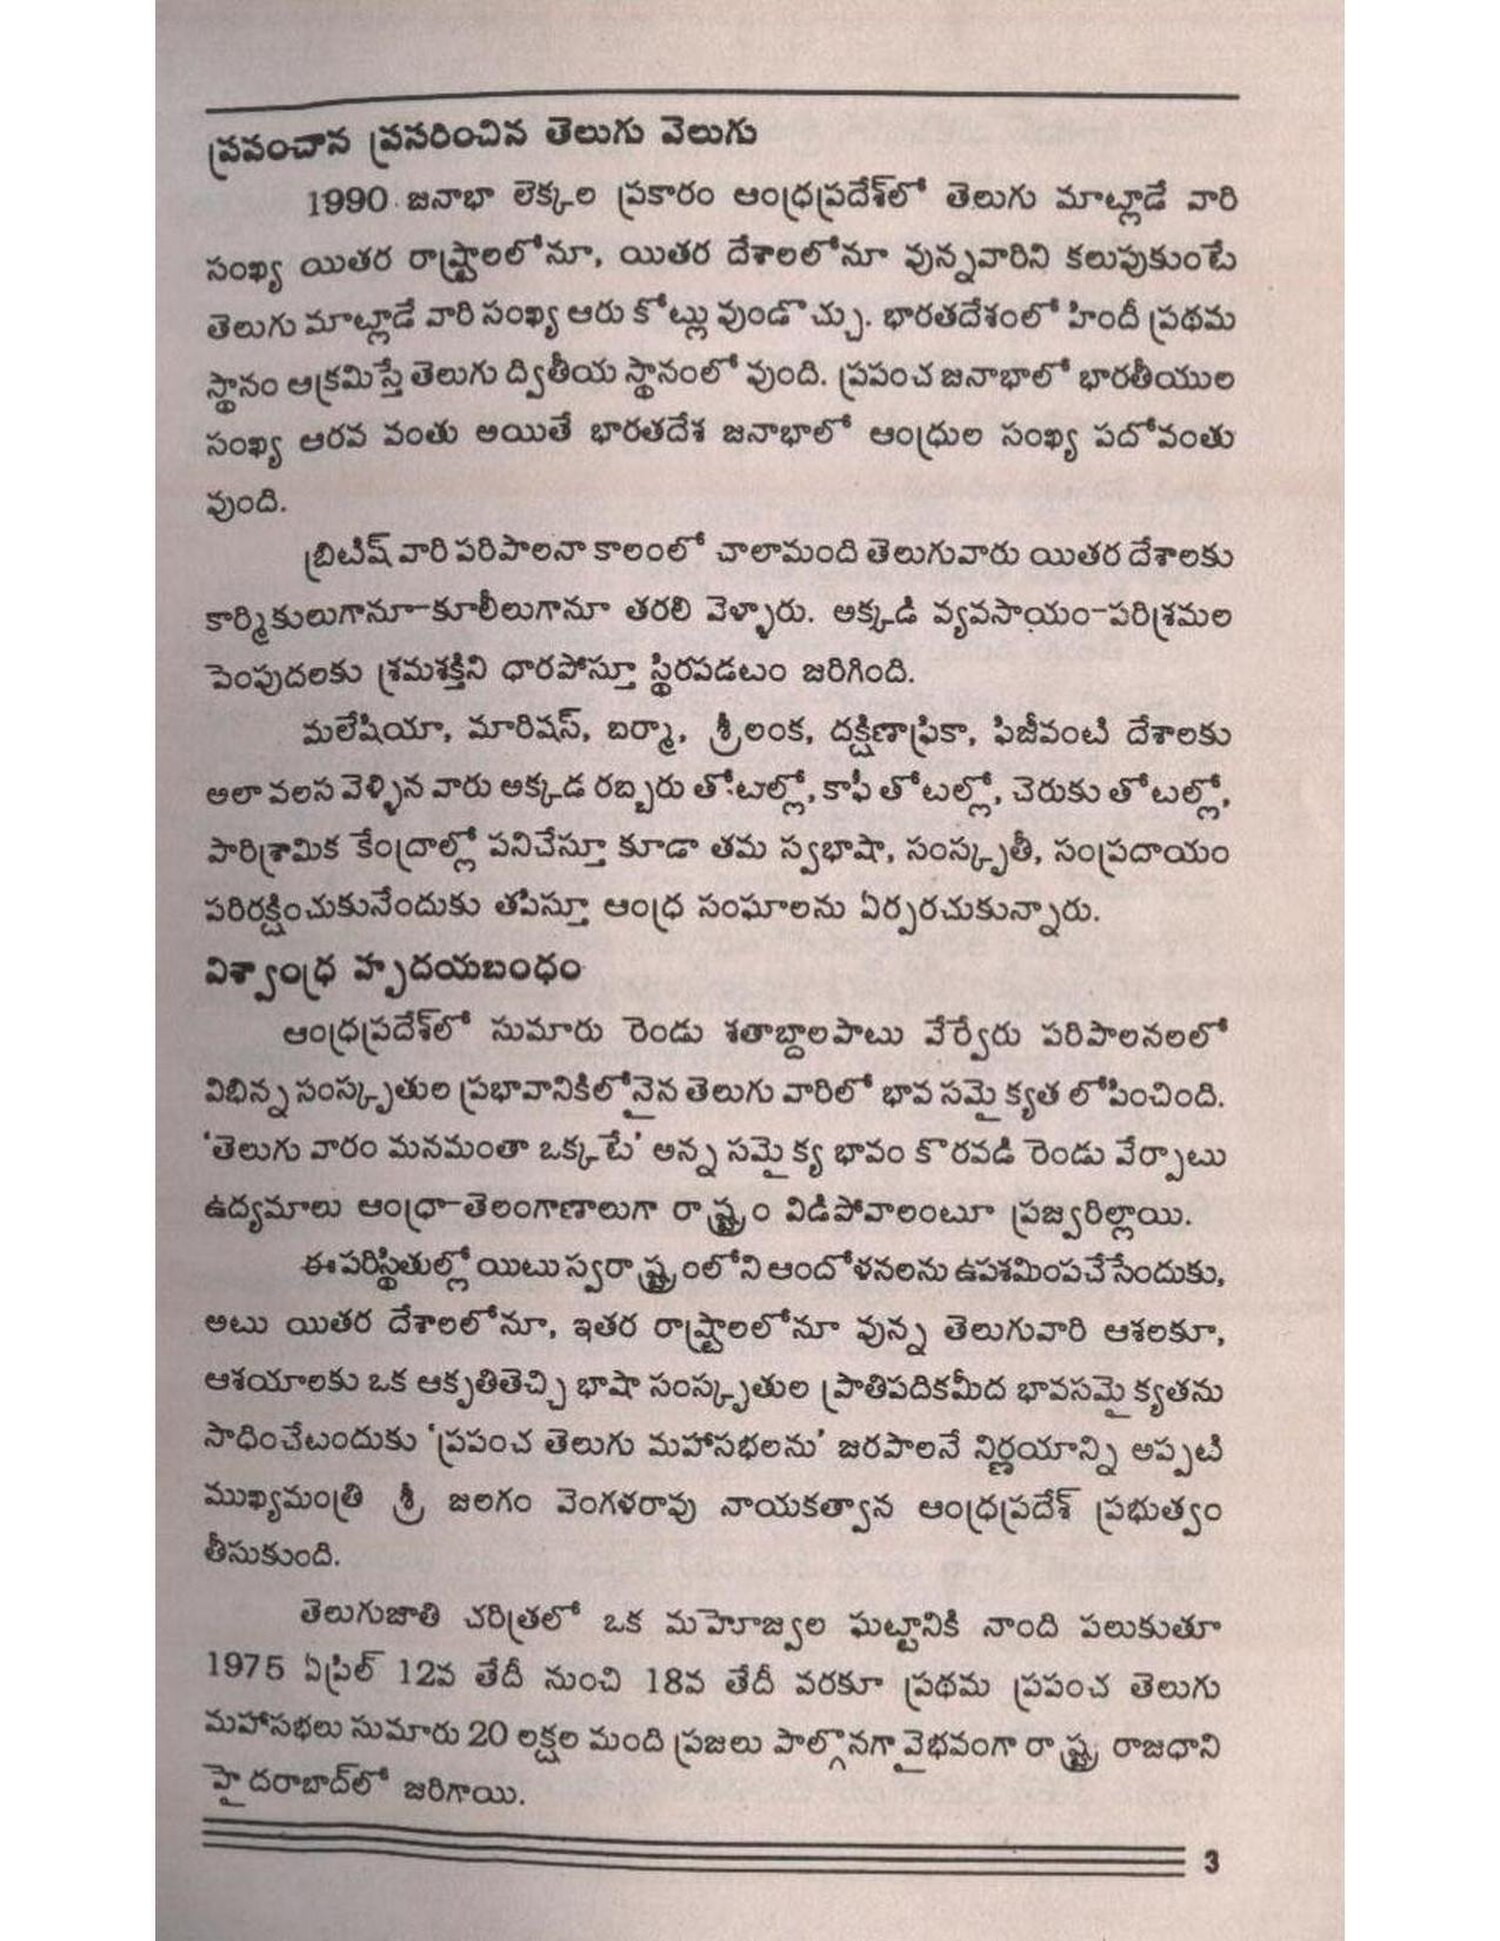ప్రపంచాన ప్రసరించిన తెలుగు వెలుగు

1990 జనాభా లెక్కల ప్రకారం ఆంధ్రప్రదేశ్‌లో తెలుగు మాట్లాడే వారి సంఖ్య యితర రాష్ట్రాలలోనూ, యితర దేశాలలోనూ వున్నవారిని కలుపుకుంటే తెలుగు మాట్లాడే వారి సంఖ్య ఆరు కోట్లు వుండొచ్చు. భారతదేశంలో హిందీ ప్రథమ స్థానం ఆక్రమిస్తే తెలుగు ద్వితీయ స్థానంలో వుంది. ప్రపంచ జనాభాలో భారతీయుల సంఖ్య ఆరవ వంతు అయితే భారతదేశ జనాభాలో ఆంధ్రుల సంఖ్య పదోవంతు వుంది

బ్రిటిష్ వారి పరిపాలనా కాలంలో చాలామంది తెలుగువారు యితర దేశాలకు కార్మికులుగానూ - కూలీలుగానూ తరలి వెళ్ళారు. అక్కడి వ్యవసాయం-పరిశ్రమల పెంపుదలకు శ్రమశక్తిని ధారపోస్తూ స్థిరపడటం జరిగింది.

మలేషియా, మారిషస్, బర్మా, శ్రీలంక, దక్షిణాఫ్రికా, ఫిజీవంటి దేశాలకు అలా వలస వెళ్ళిన వారు అక్కడ రబ్బరు తోటల్లో, కాఫీ తోటల్లో, చెరుకు తోటల్లో, పారిశ్రామిక కేంద్రాల్లో పనిచేస్తూ కూడా తమ స్వభాషా, సంస్కృతీ, సంప్రదాయం పరిరక్షించుకునేందుకు తపిస్తూ ఆంధ్ర సంఘాలను ఏర్పరచుకున్నారు. 

విశ్వాంధ్ర హృదయబంధం

ఆంధ్రప్రదేశ్‌లో సుమారు రెండు శతాబ్దాలపాటు వేర్వేరు పరిపాలనలలో విభిన్నసంస్కృతుల ప్రభావానికిలోనైన తెలుగు వారిలో భావసమైక్యత లోపించింది. తెలుగు వారం మనమంతా ఒక్కటే అన్న సమైక్య భావం కొరవడి రెండు వేర్పాటు ఉద్యమాలు ఆంధ్రా తెలంగాణాలుగా రాష్ట్రం విడిపోవాలంటూ ప్రజ్వరిల్లాయి.

ఈపరిస్థితుల్లోయిటు స్వరాష్ట్రంలోని ఆందోళనలను ఉపశమింపచేసేందుకు, అటు యితర దేశాలలోనూ, ఇతర రాష్ట్రాలలోనూ వున్న తెలుగువారి ఆశలకూ, ఆశయాలకు ఒక ఆకృతితెచ్చి భాషా సంస్కృతుల ప్రాతిపదికమీద భావసమైక్యతను సాధించేటందుకు "ప్రపంచ తెలుగు మహాసభలను" జరపాలనే నిర్ణయాన్ని అప్పటి ముఖ్యమంత్రి శ్రీ జలగం వెంగళరావు నాయకత్వాన ఆంధ్రప్రదేశ్ ప్రభుత్వం తీసుకుంది.

తెలుగుజాతి చరిత్రలో ఒక మహెూజ్వల ఘట్టానికి నాంది పలుకుతూ 1975 ఏప్రిల్ 12వ తేదీ నుంచి 18వ తేదీ వరకూ ప్రథమ ప్రపంచ తెలుగుమహాసభలు సుమారు 20 లక్షల మంది ప్రజలు పాల్గొనగా వైభవంగా రాష్ట్ర రాజధాని హైదరాబాద్ లో జరిగాయి.